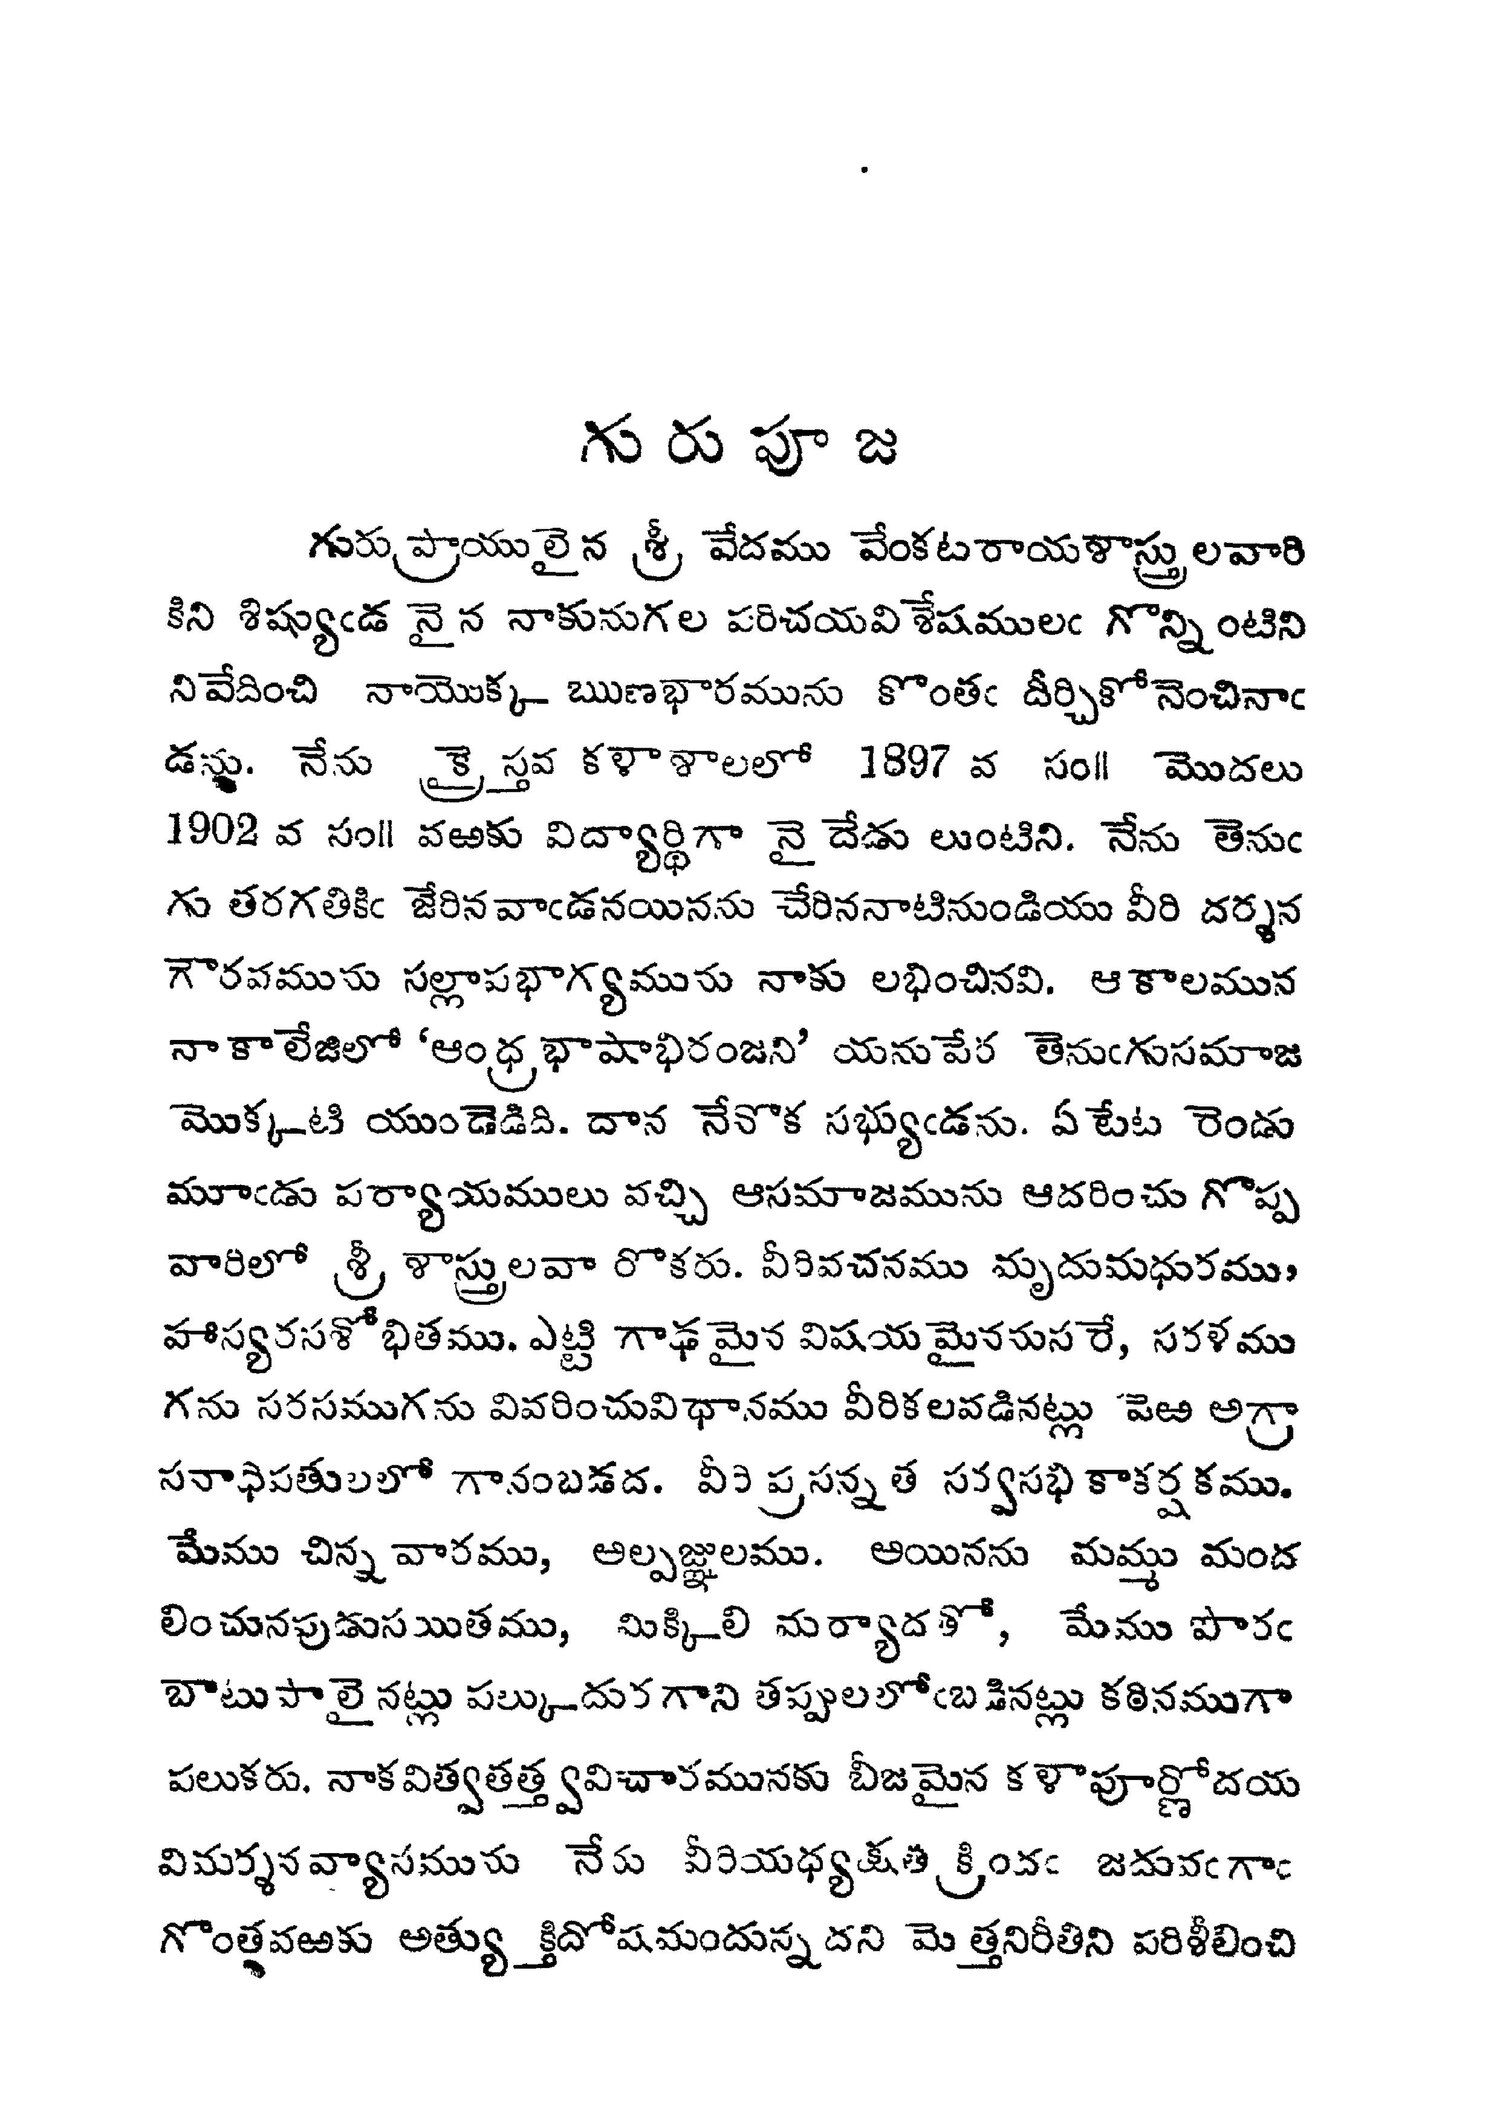గురుప్రాయులైన శ్రీ వేదము వేంకటరాయశాస్త్రులవారికిని శిష్యుడ నైన నాకునుగల పరిచయవిశేషముల గొన్నింటిని నివేదించి నాయొక్క ఋణభారమును కొంత దీర్చికోనెంచినాడను. నేను క్రైస్తవ కళాశాలలో 1897 వ సం. మొదలు 1902 వ సం. వఱకు విద్యార్థిగా నైదేడు లుంటిని. నేను తెనుగు తరగతికి జేరినవాడనయినను చేరిననాటినుండియు వీరి దర్శన గౌరవమును సల్లాపభాగ్యమును నాకు లభించినవి. ఆకాలమున నాకాలేజిలో 'ఆంధ్రభాషాభిరంజని' యనుపేర తెనుగుసమాజ మొక్కటి యుండెడిది. దాన నేనొక సభ్యుడను. ఏటేట రెండు మూడు పర్యాయములు వచ్చి ఆసమాజమును ఆదరించు గొప్పవారిలో శ్రీ శాస్త్రులవా రొకరు. వీరివచనము మృదుమధురము హాస్యరసశోభితము. ఎట్టి గాఢమైన విషయమైననుసరే, సరళముగను సరసముగను వివరించువిథానము వీరికలవడినట్లు పెఱ అగ్రాసనాధిపతులలో గానంబడద. వీరి ప్రసన్నత సర్వసభి కాకర్షకము. మేము చిన్నవారము, అల్పజ్ఞులము. అయినను మమ్ము మందలించునపుడుసయితము, మిక్కిలి మర్యాదతో, మేము పొరబాటుపాలైనట్లు పల్కుదురగాని తప్పులలో బడినట్లు కఠినముగా పలుకరు. నాకవిత్వతత్త్వవిచారమునకు బీజమైన కళాపూర్ణోదయ విమర్శనవ్యాసమును నేను వీరియధ్యక్షత క్రింద జదువగా గొంతవఱకు అత్యుక్తిదోషమందున్నదని మెత్తనిరీతిని పరిశీలించి